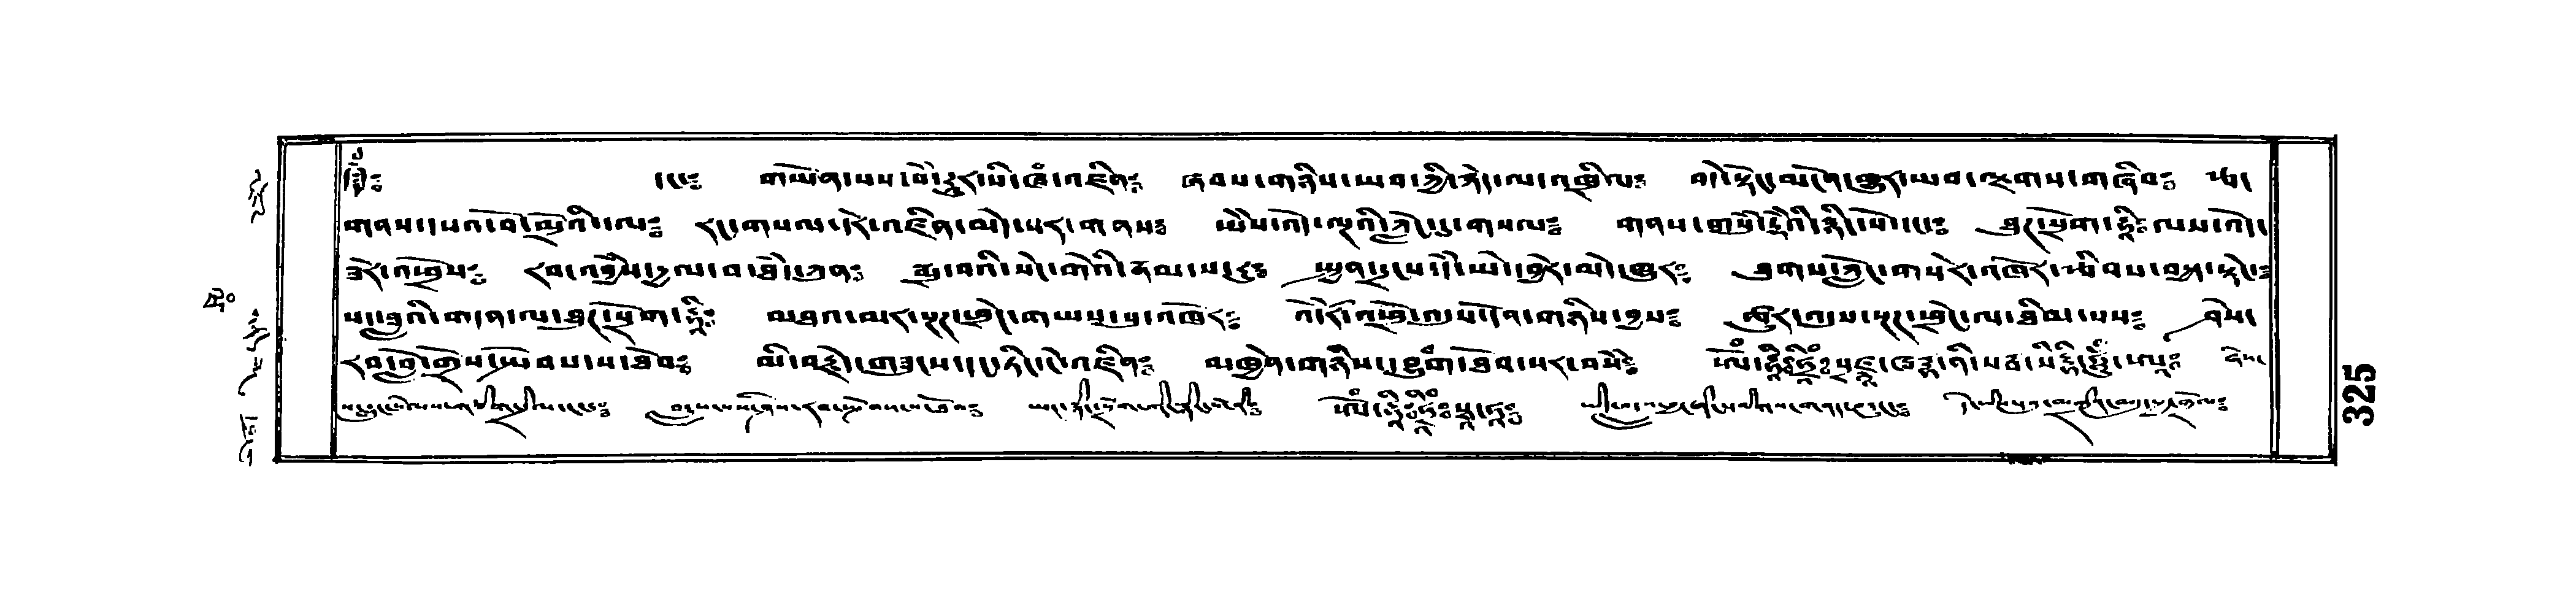དང༔ གཡོན་པས་བཻ་ཌཱུར་པི་ཝཾ་འཛིན༔ ཞབས་གཉིས་ཡབ་ཀྱི་སྐེད་ལ་འཁྲིལ༔ བདེ་སྟོང་མངོན་གྱུར་ཡབ་ལྗགས་གཞིབ༔ རྩ་
གནས་དཔའ་བོ་མཁའ་འགྲོའི་དལ༔ རང་གསལ་དེར་འཛིན་མེད་པར་གནས༔ ཡེ་ཤེས་འོད་ལྔའི་ཀློང་དུ་གསལ༔ གནས་གསུམ་རྡོ་རྗེའི་སྙིང་པོ་དང༔ ཐུགས་སྲོག་དྷིཿལས་འོད་
ཟེར་འཕྲོས༔ རབ་འབྱམས་རྒྱལ་བ་ཐམས་ཅད་ཀུན༔ སྨྲ་བའི་སེང་གེའི་རྣམ་པ་རུ༔ སྤྱན་དྲངས་དམ་ཡེ་དབྱེར་མེད་གྱུར༔ ཐུགས་ཀློང་གསེར་འཁོར་རྩིབས་བརྒྱད་སྟེང༔ 
པད་ཟླའི་གདན་ལ་ཐུགས་སྲོག་དྷཱི༔ མཐའ་མར་སྔགས་ཕྲེང་གཡས་སུ་འཁོར༔ འོད་ཟེར་འཕྲོ་འདུས་དོན་གཉིས་བྱས༔ ཚུར་འདུས་སྔགས་ཕྲེང་ལ་ཐིམ་པས༔ ཤེས་
རབ་བློ་གྲོས་སྤོབས་པ་ཐོབ༔ མི་བརྗེད་གཟུངས་དང་ཏིང་ངེ་འཛིན༔ མཁྱེན་གཉིས་དབང་ཕྱུག་ཐོབ་པར་བསམ༔ ཨོཾ་དྷཱིཿཧྲཱིཾཿཔྲཛྙཱ་ཝ་རྡྷ་ནི་སརྦ་སིདྡྷི་ཧཱུྃ་ཨཱཿཞེས་
པ་རླུང་སེམས་གཅིག་དྲིལ་ངང༔ བཟླས་པས་ཤེས་རབ་སྤོབས་པ་ཐོབ༔ ཡང་སྙིང་སྲོག་གི་སྙིང་པོ་ནི༔ ཨོཾ་དྷཱིཿཧྲཱིཾཿསྭཱ་ཧཱ༔ ཡིད་བཟླས་བྱ་ཚཞིང་དམིགས་གནད་བཟུང༔ དེ་ཡིས་དབུ་མགྲིན་མདུད་རྒྱ་གྲོལ༔